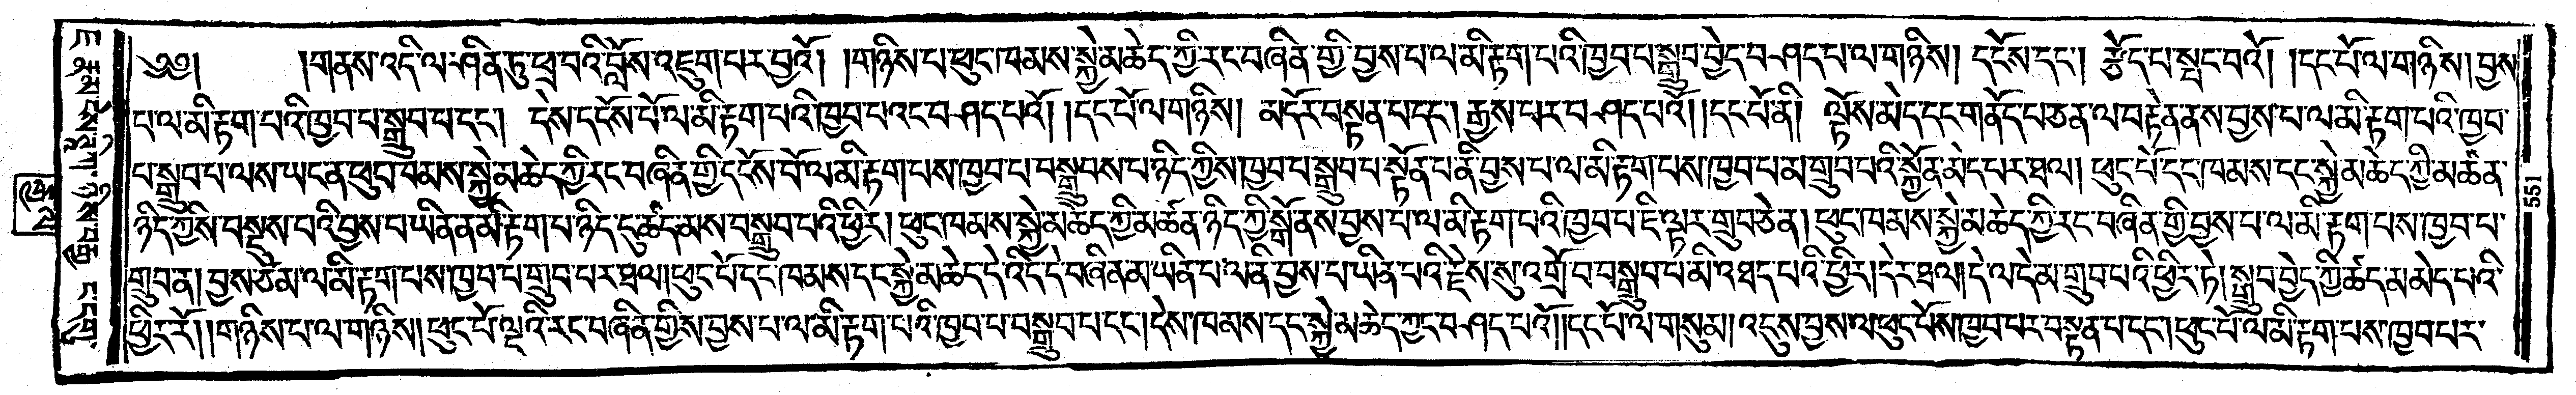༄༅། །གནས་འདི་ལ་ཤིན་ཏུ་ཕྲ་བའི་བློས་འཇུག་པར་བྱའོ། །གཉིས་པ་ཕུང་ཁམས་སྐྱེ་མཆེད་ཀྱི་རང་བཞིན་གྱི་བྱས་པ་ལ་མི་རྟག་པའི་ཁྱབ་པ་སྒྲུབ་བྱེད་བཤད་པ་ལ་གཉིས། དངོས་དང་། རྩོད་པ་སྤང་བའོ། །དང་པོ་ལ་གཉིས། བྱས་
པ་ལ་མི་རྟག་པའི་ཁྱབ་པ་སྒྲུབ་པ་དང་། དེས་དངོས་པོ་ལ་མི་རྟག་པའི་ཁྱབ་པའང་བཤད་པའོ། །དང་པོ་ལ་གཉིས། མདོར་བསྟན་པ་དང་། རྒྱས་པར་བཤད་པའོ། །དང་པོ་ནི། ལྟོས་མེད་དང་གནོད་པ་ཅན་ལ་བརྟེན་ནས་བྱས་པ་ལ་མི་རྟག་པའི་ཁྱབ་
པ་སྒྲུབ་པ་ལས་ཡང་ན་ཕུང་ཁམས་སྐྱེ་མཆེད་ཀྱི་རང་བཞིན་གྱི་དངོས་པོ་ལ་མི་རྟག་པས་ཁྱབ་པ་བསྒྲུབས་པ་ཉིད་ཀྱིས་ཁྱབ་པ་སྒྲུབ་པ་སྟོན་པ་ནི་བྱས་པ་ལ་མི་རྟག་པས་ཁྱབ་པ་མ་གྲུབ་པའི་སྐྱོན་མེད་པར་ཐལ། ཕུང་པོ་དང་ཁམས་དང་སྐྱེ་མཆེད་ཀྱི་མཚན་
ཉིད་ཀྱིས་བསྡུས་པའི་བྱས་པ་ཡིན་ན་མི་རྟག་པ་ཉིད་དུ་ཚད་མས་བསྒྲུབ་པའི་ཕྱིར། ཕུང་ཁམས་སྐྱེ་མཆེད་ཀྱི་མཚན་ཉིད་ཀྱི་སྒོ་ནས་བྱས་པ་ལ་མི་རྟག་པའི་ཁྱབ་པ་ཇི་ལྟར་གྲུབ་ཅེ་ན། ཕུང་ཁམས་སྐྱེ་མཆེད་ཀྱི་རང་བཞིན་གྱི་བྱས་པ་ལ་མི་རྟག་པས་ཁྱབ་པ་
གྲུབ་ན། བྱས་ཙམ་ལ་མི་རྟག་པས་ཁྱབ་པ་གྲུབ་པར་ཐལ། ཕུང་པོ་དང་ཁམས་དང་སྐྱེ་མཆེད་དེ་འདི་དེ་བཞིན་མ་ཡིན་པ་ལ་ནི་བྱས་པ་ཡིན་པའི་རྗེས་སུ་འགྲོ་བ་བསྒྲུབ་པ་མི་འཐད་པའི་ཕྱིར། དེར་ཐལ། དེ་ལ་དེ་མ་གྲུབ་པའི་ཕྱིར་ཏེ། སྒྲུབ་བྱེད་ཀྱི་ཚད་མ་མེད་པའི་
ཕྱིར་རོ། །གཉིས་པ་ལ་གཉིས། ཕུང་པོ་ལྔའི་རང་བཞིན་གྱིས་བྱས་པ་ལ་མི་རྟག་པའི་ཁྱབ་པ་བསྒྲུབ་པ་དང་། དེས་ཁམས་དང་སྐྱེ་མཆེད་ཀྱང་བཤད་པའོ། །དང་པོ་ལ་གསུམ། འདུས་བྱས་ལ་ཕུང་པོས་ཁྱབ་པར་བསྟན་པ་དང་། ཕུང་པོ་ལ་མི་རྟག་པས་ཁྱབ་པར་